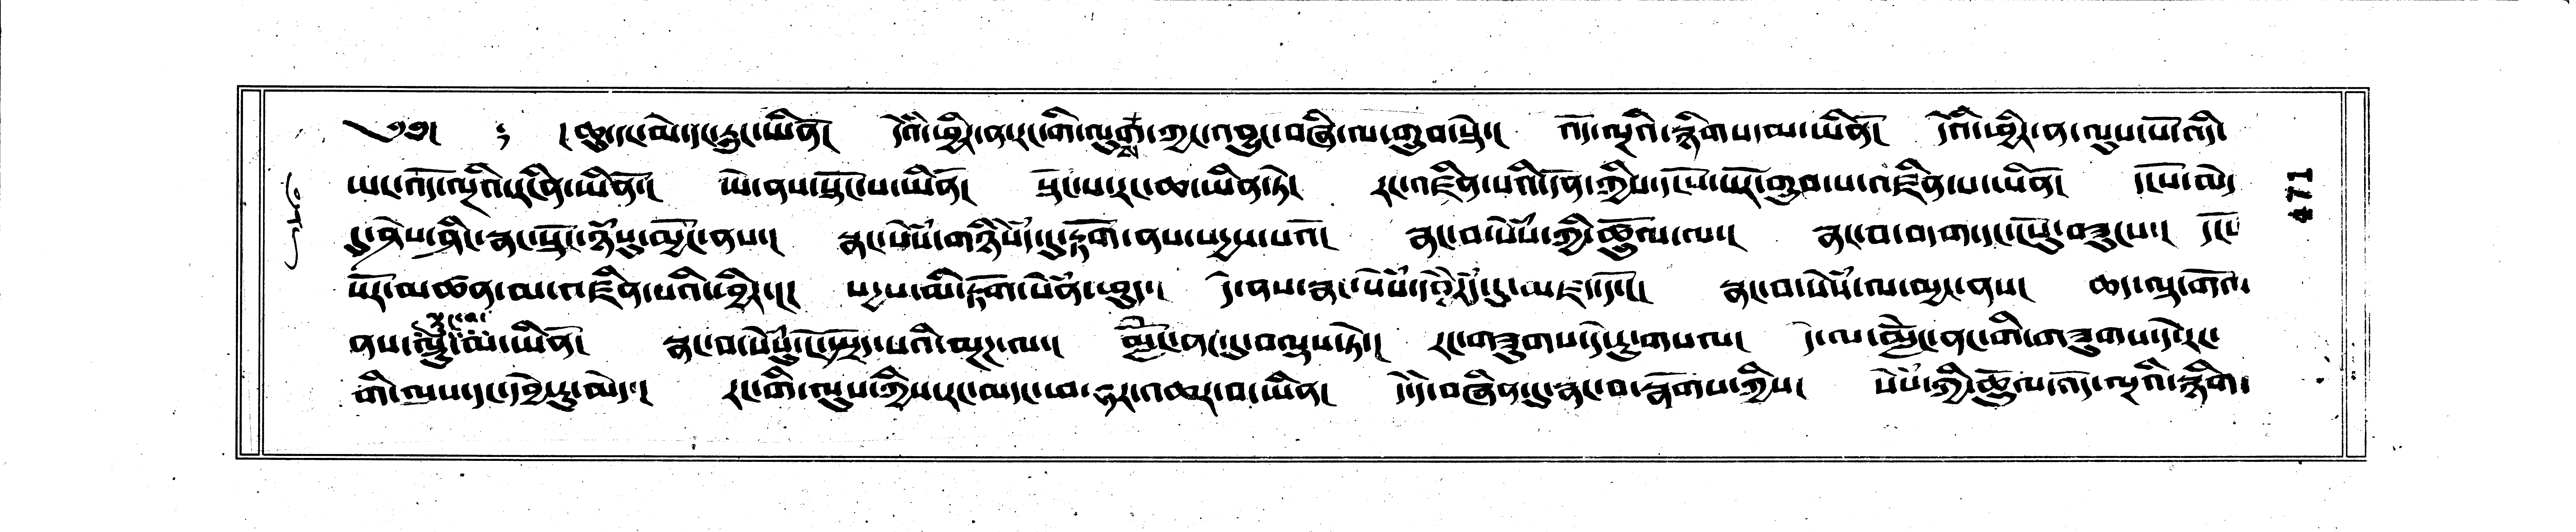ཆུ་མེ་དང་རླུང་ཡིན་ནོ། དེའི་ཕྱིར་ན་རང་གིས་ལུས་པོ་ཀྱང་འབྱུང་བཞི་ལ་གྲུབ་སྟེ། འོད་ལྔའི་སྙིགས་མ་ཡིན་ནོ། དེའི་ཕྱིར་ན་ལུས་པོ་འདི་
ཡང་འོད་ལྔའི་རང་བཞིན་ཡིན་ནོ། ཡེ་ནས་སྟོང་པ་ཡིན་ནོ། སྟོང་པ་རང་ཆས་ཡིན་ཏེ། རང་འཛིན་པའི་དོན་གྱིས་དངོས་པོར་གྲུབ་པ་འཛིན་པ་ཡིན། དངོས་མེད་
དུ་ཤེས་ཤིང་སྣང་སྟོང་ཉམས་སུ་མྱོང་ནས། སྣང་སེམས་གཉིས་མེད་དུ་རྟོགས་ན་སངས་རྒྱས་པའོ། སྣང་བ་སེམས་ཀྱིས་ཆོ་འཕྲུལ་ལས། སྣང་བ་བདག་དང་དངོས་སུ་བཟུང་། དངོས་
པོར་མཚན་མར་འཛིན་པའི་ཕྱིར། སངས་རྒྱས་མི་རྟོགས་སེམས་ཅན་ཕུང་། དེ་ནས་སྣང་སེམས་དབྱེར་མེད་དུ་མཛོད། སྣང་བ་སེམས་སུ་མ་མྱོང་ན། ཆད་ལྟ་གོལ་
ནས་ལྟུང་བ་ཡིན། སྣང་བ་སེམས་སུ་ངོ་སྤྲད་པའི་མེ་ངག་ལ། མེ་ལོང་ནང་དུ་བལྟས་ཏེ་རང་གཟུགས་དེ་རུ་གསལ། དེ་ལ་མེ་ལོང་ནང་གིས་གཟུགས་དེ་རང་
གིས་ལུས་དང་དབྱེ་རུ་མེད། རང་གིས་ལུས་ཀྱི་རང་གདང་ཕར་ལྟར་འཆར་བ་ཡིན། དཔེ་དེ་བཞིན་དུ་སྣང་བ་སྣ་ཚོགས་ཀྱང་། སེམས་ཀྱིས་ཆོ་འཕྲུལ་འོད་ལྔའི་སྙིགས་